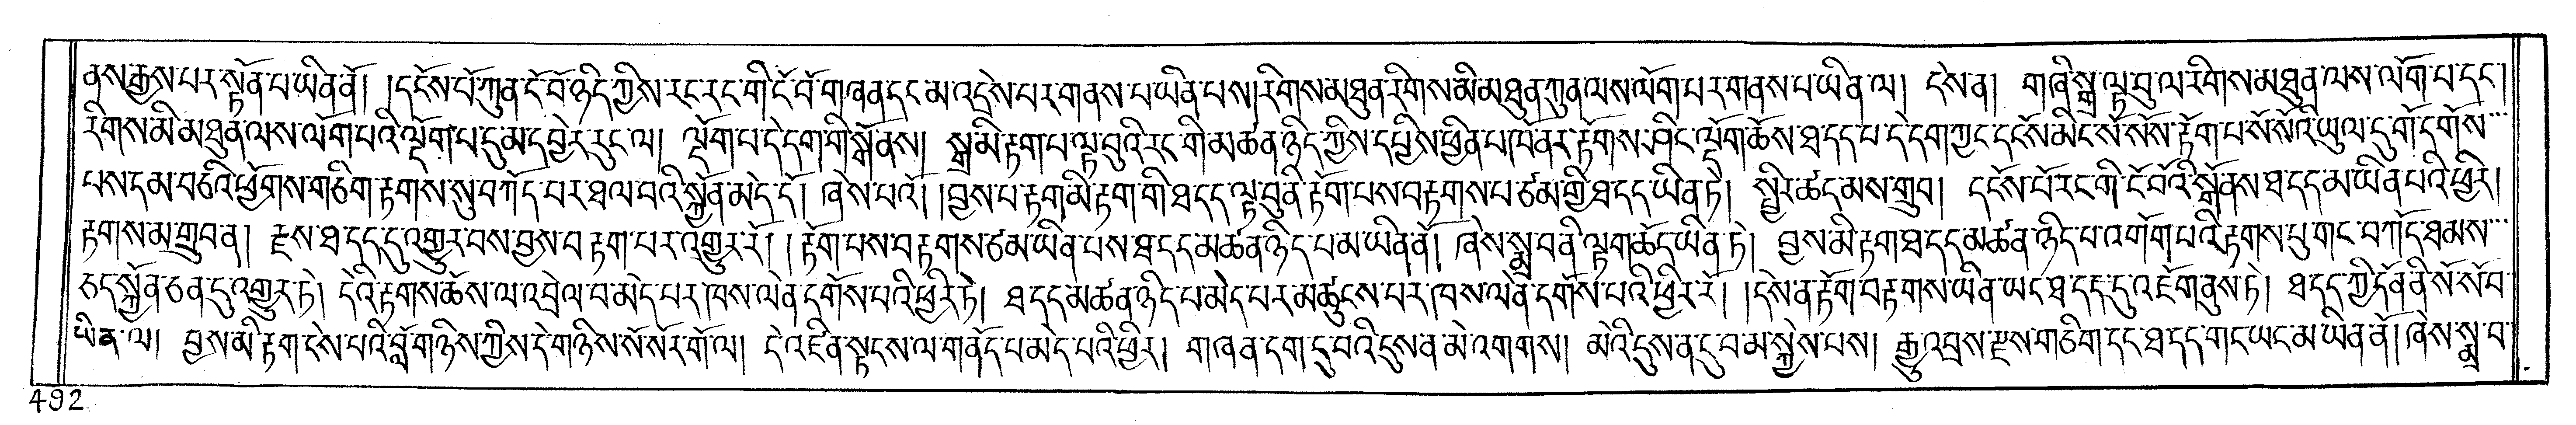ནས་རྒྱས་པར་སྟོན་པ་ཡིན་ནོ། །དངོས་པོ་ཀུན་ངོ་བོ་ཉིད་ཀྱིས་རང་རང་གི་ངོ་བོ་གཞན་དང་མ་འདྲེས་པར་གནས་པ་ཡིན་པས། རིགས་མཐུན་རིགས་མི་མཐུན་ཀུན་ལས་ལོག་པར་གནས་པ་ཡིན་ལ། དེས་ན། གཞི་སྒྲ་ལྟ་བུ་ལ་རིགས་མཐུན་ལས་ལོག་པ་དང་།
རིགས་མི་མཐུན་ལས་ལོག་པའི་ལྡོག་པ་དུ་མ་དབྱེར་རུང་ལ། ལྡོག་པ་དེ་དག་གི་སྒོ་ནས། སྒྲ་མི་རྟག་པ་ལྟ་བུའི་རང་གི་མཚན་ཉིད་ཀྱིས་དཔྱིས་ཕྱིན་པ་ཁོ་ནར་རྟོགས་ཤིང་ལྡོག་ཆོས་ཐ་དད་པ་དེ་དག་ཀྱང་དངོས་མིང་སོ་སོས་རྟོག་པ་སོ་སོའི་ཡུལ་དུ་གོ་དགོས་
པས་དམ་བཅའི་ཕྱོགས་གཅིག་རྟགས་སུ་བཀོད་པར་ཐལ་བའི་སྐྱོན་མེད་དོ། ཞེས་པའོ། །བྱས་པ་རྟག་མི་རྟག་གི་ཐ་དད་ལྟ་བུ་ནི་རྟོག་པས་བརྟགས་པ་ཙམ་གྱི་ཐ་དད་ཡིན་ཏེ། སྤྱིར་ཚད་མས་གྲུབ། དངོས་པོ་རང་གི་ངོ་བོའི་སྒོ་ནས་ཐ་དད་མ་ཡིན་པའི་ཕྱིར།
རྟགས་མ་གྲུབ་ན། རྫས་ཐ་དད་དུ་འགྱུར་བས་བྱས་པ་རྟག་པར་འགྱུར་རོ། །རྟོག་པས་བརྟགས་ཙམ་ཡིན་པས་ཐ་དད་མཚན་ཉིད་པ་མ་ཡིན་ནོ། ཞེས་སྨྲ་བ་ནི་ལྟག་ཆོད་ཡིན་ཏེ། བྱས་མི་རྟག་ཐ་དད་མཚན་ཉིད་པ་འགོག་པའི་རྟགས་སུ་གང་བཀོད་ཐམས་
ཅད་སྐྱོན་ཅན་དུ་འགྱུར་ཏེ། དེའི་རྟགས་ཆོས་ལ་འབྲེལ་པ་མེད་པར་ཁས་ལེན་དགོས་པའི་ཕྱིར་ཏེ། ཐ་དད་མཚན་ཉིད་པ་མེད་པར་མཚུངས་པར་ཁས་ལེན་དགོས་པའི་ཕྱིར་རོ། །དེས་ན་རྟོག་བརྟགས་ཡིན་ཡང་ཐ་དད་དུ་འཇོག་ནུས་ཏེ། ཐ་དད་ཀྱི་དོན་ནི་སོ་སོ་བ་
ཡིན་ལ། བྱས་མི་རྟག་ངེས་པའི་བློ་གཉིས་ཀྱིས་དེ་གཉིས་སོ་སོར་གོ་ལ། དེ་འཛིན་སྟངས་ལ་གནོད་པ་མེད་པའི་ཕྱིར། གཞན་དག་དུ་བའི་དུས་ན་མེ་འགགས། མེའི་དུས་ན་དུ་བ་མ་སྐྱེས་བས། རྒྱུ་འབྲས་རྫས་གཅིག་དང་ཐ་དད་གང་ཡང་མ་ཡིན་ནོ། ཞེས་སྨྲ་བ་